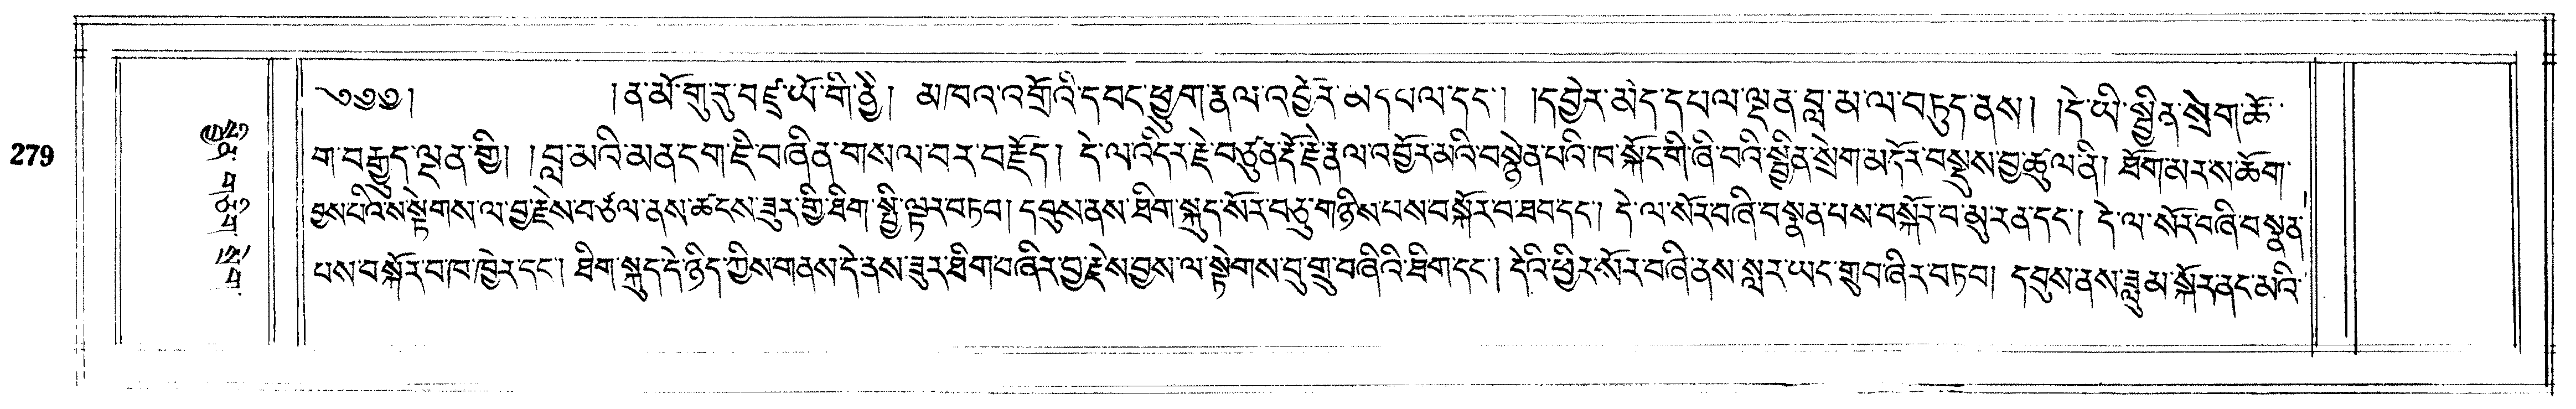༄༅༅། །ན་མོ་གུ་རུ་བྫྲ་ཡོ་གི་ནྱཻ་?། མཁའ་འགྲོའི་དབང་ཕྱུག་རྣལ་འབྱོར་མ་དཔལ་དང་། །དབྱེར་མེད་དཔལ་ལྡན་བླ་མ་ལ་བཏུད་ནས། །དེ་ཡི་སྦྱིན་སྲེག་ཆོ་
ག་བརྒྱུད་ལྡན་གྱི། །བླ་མའི་མན་ངག་ཇི་བཞིན་གསལ་བར་བརྗོད། དེ་ལ་འདིར་རྗེ་བཙུན་རྡོ་རྗེ་རྣལ་འབྱོར་མའི་བསྙེན་པའི་ཁ་སྐོང་གི་ཞི་བའི་སྦྱིན་སྲེག་མདོར་བསྡུས་བྱ་ཚུལ་ནི། ཐོབ་མར་ས་ཆོག་
བྱས་པའི་ས་སྟེགས་ལ་བྱ་རྗེས་བཙལ་ནས་ཚངས་ཟུར་གྱི་ཐིག་སྤྱི་ལྟར་བཏབ། དབུས་ནས་སྨྲིག་?་སྡུད་?་སོར་བཅུ་གཉིས་པས་བསྐོར་བ་ཐབ་དང་། དེ་ལ་སོར་བཞི་བསྣན་པས་བསྐོར་བ་མུ་རན་དང་། དེ་ལ་སོར་བཞི་བསྣན་
པས་བསྐོར་བ་ཁ་ཁྱེར་དང་། ཐིག་སྐུད་དེ་ཉིད་ཀྱིས་གནས་དེ་ནས་ཟུར་ཐིག་བཞིང་བྱ་རྗེས་བྱས་ལ་སྟེགས་བུ་གྲུ་བཞིའི་ཐིག་དང་། དེའི་ཕྱིར་སོར་བཞི་ནས་སླར་ཡང་གྲུ་བཞིར་བཏབ། དབུས་ནས་ཟླུམ་སྐོར་ནང་མའི་